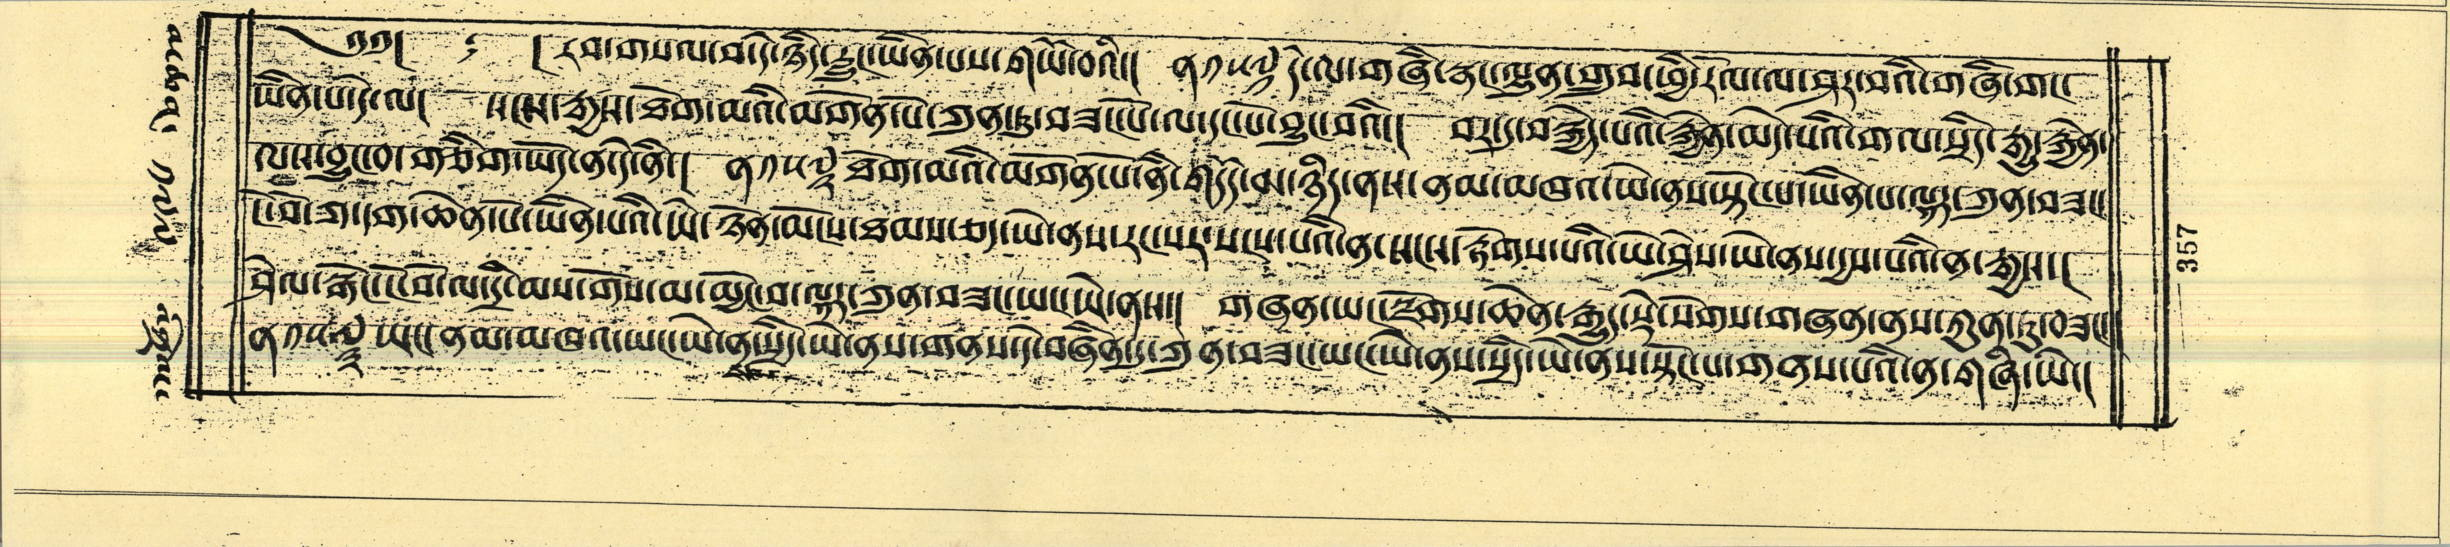རབ་གསལ་བ་དེ་ཉིད་རླུང་ཡིན་པས་གཡོ་བའི། ན༡༥༧།༡ དེ་ལ་གཞི་སྣང་ལྷུན་གྲུབ་ཕྱི་རོལ་ལ་ཤར་བའི་གཞི་གང་
ཡིན་པ་དེ་ལ། སངས་རྒྱས་ཐོག་མའི་མགོན་པོ་ཀུན་ཏུ་བཟང་པོ་ལ་དང་པོ་བྱུང་བའི། བར་དུ་བསྐྱེད་པའི་རྐྱེན་མེད་པའི་གལ་སྲིད་རྒྱུ་རྐྱེན་
ལས་བྱུང་བ་གཅིག་ཡོད་ན་དེ་ནི། ན༡༥༧།༢ ཐོག་མའི་མགོན་པོ་ནི་གདོད་མ་ཉིད་ནས་ནམ་མཁའ་ཡེ་ནས་སྟོང་པ་ཡིན་པ་ལྟར་ ཀུན་བཟང་
ངོ་བོ་ཀ་དག་ཆེན་པོ་ཡིན་པའི་ཡེ་ཉོན་མོངས་ཐམས་ཅད་ཡེ་ནས་རང་སར་སངས་པའི་ན་སངས་རྟོགས་པའི་ཡེ་ཤེས་ཡེ་ནས་རྒྱས་པའི་ན་རྒྱས་
ཤེལ་སྒོང་ངོ་བོ་ལ་དྲི་མས་གོས་མ་མྱོང་བ་ལྟར་ཀུན་བཟང་ཡང་ ཡེ་ནས།གཞན་ཡང་སྫོགས་ཆེན་རྒྱུད་སྡེ་སོགས་གཞན་ནས་ཀུན་ཏུ་བཟང་།
ན༡༥༧།༣ ཡང་ནམ་མཁའ་ཡང་ཡེ་ན་སྲིད་ཡེ་ནས་གནས་དེ་བཞིན་དུ་ཀུན་བཟང་ཡང་ཡེ་ནས་སྲིད་ཡེ་ནས་སྟོང་པ་གནས་པའི་ན་གཞི་ཡེ།